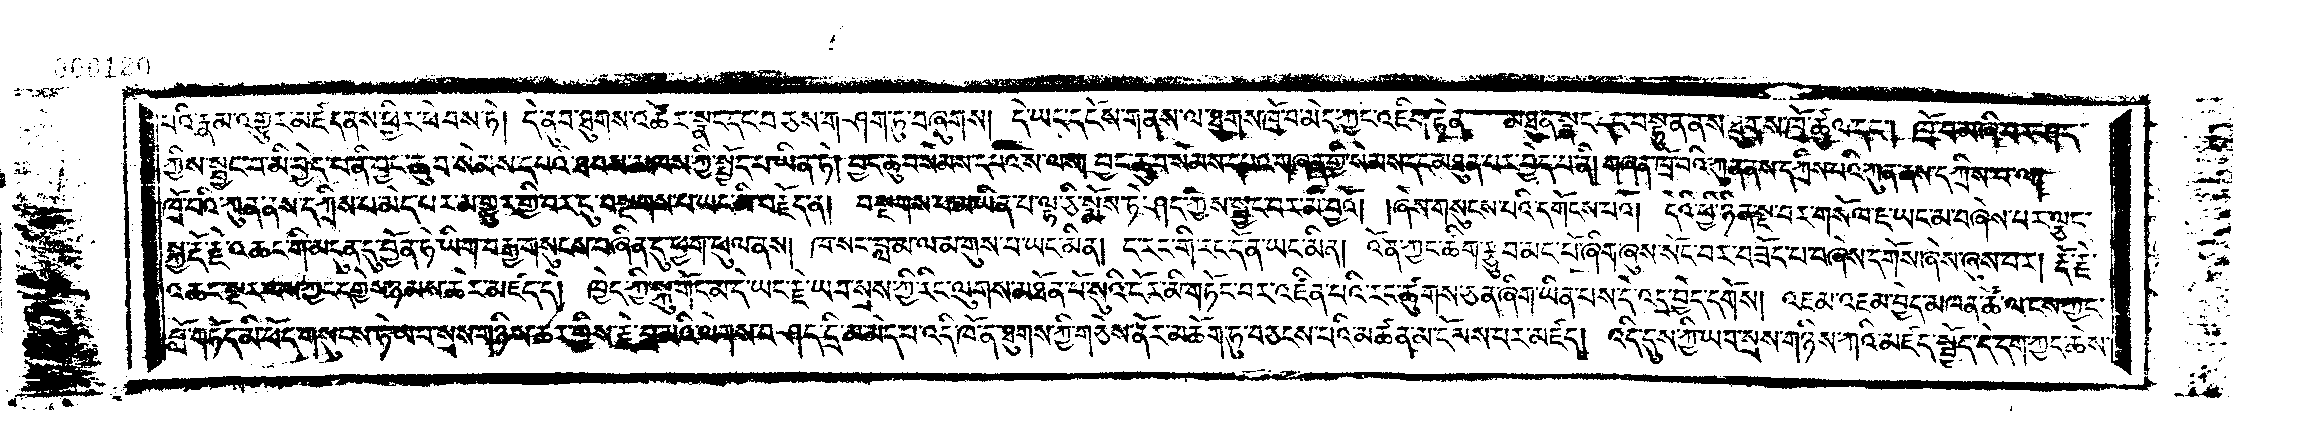པའི་རྣམ་འགྱུར་མཛད་ནས་ཕྱིར་ཕེབས་ཏེ། དེ་ནུབ་ཐུགས་འཚེར་སྣང་དང་བཅས་གཤག་ཏུ་བཞུགས། དེ་ཡང་དངོས་གནས་ལ་ཐུགས་ཁྲོ་བ་མེད་ཀྱང་འཇིག་རྟེན་མཐུན་སྣང་དང་བསྟུན་ནས་ཐུགས་ཁྲོ་ཚུལ་དང་། ཁྲོ་བ་མ་ཞི་བར་ཤད་
ཀྱིས་སྦྱང་བ་མི་བྱེད་པ་ནི་བྱང་ཆུབ་སེམས་དཔའི་ཐབས་མཁས་ཀྱི་སྤྱོད་པ་ཡིན་ཏེ། བྱང་ཆུབ་སེམས་དཔའི་ས་ལས། བྱང་ཆུབ་སེམས་དཔའ་གཞན་གྱི་སེམས་དང་ཐུན་པར་བྱེད་པ་ནི། གཞན་ཁྲོ་བའི་ཀུན་ནས་དཀྲིས་པའི་ཀུན་ནས་དཀྲིས་པ་ལ།
ཁྲོ་བའི་ཀུན་ནས་དཀྲིས་པ་མེད་པར་མ་གྱུར་གྱི་བར་དུ་བསྔགས་པ་ཡང་མི་བརྗོད་ན། བསྔགས་པ་མ་ཡིན་པ་ལྟ་ཅི་སྨོས་ཏེ་ཤད་ཀྱིས་སྦྱང་བར་མི་བྱའོ། །ཞེས་གསུངས་པའི་དགོངས་པའོ། དེའི་ཕྱི་ཉིན་སྔ་བར་གསོལ་ཇ་ཡང་མ་བཞེས་པར་ལྕང་
སྐྱ་རྡོ་རྗེ་འཆང་གི་མདུན་དུ་བྱོན་ཏེ་ཡིག་བརྒྱ་གསུངས་བཞིན་དུ་ཕྱག་ཕུལ་ནས། ཁ་སང་བླ་མ་ལ་མ་གུས་པ་ཡང་མིན། ང་རང་གི་རང་དོན་ཡང་མིན། འོན་ཀྱང་ཚིག་རྩུབ་མང་པོ་ཞིག་ཞུས་སོང་བར་བཟོད་པ་བཞེས་དགོས་ཞེས་ཞུས་པར། རྡོ་རྗེ་
འཆང་སྔར་ལས་ཀྱང་དགྱེས་ཉམས་ཆེར་མཛད་དེ། ཁྱེད་ཀྱི་སྐུ་གོང་མ་དེ་ཡང་རྗེ་ཡབ་སྲས་ཀྱི་རིང་ལུགས་མཐོན་པོ་སུའི་ངོར་མི་གཏོང་བར་འཛིན་པའི་རང་ཚུགས་ཅན་ཞིག་ཡིན་པས་དེ་འདྲ་བྱེད་དགོས། འཇམ་འཇམ་བྱེད་མཁན་ཚོ་ལ་ངས་ཀྱང་
བློ་གཏོད་མི་ཕོད་གསུངས་ཏེ་ཡབ་སྲས་གཉིས་ཆར་གྱིས་རྗེ་བླ་མའི་ལེགས་བཤད་དྲི་མ་མེད་པ་འདི་ཁོ་ན་ཐུགས་ཀྱི་གཅེས་ནོར་མཆོག་ཏུ་བཅངས་པའི་མཚན་མ་ངོམས་པར་མཛད། འདི་དུས་ཀྱི་ཡབ་སྲས་གཉིས་ཀའི་མཛད་སྦྱོད་དེ་དག་ཀྱང་ཆེས་